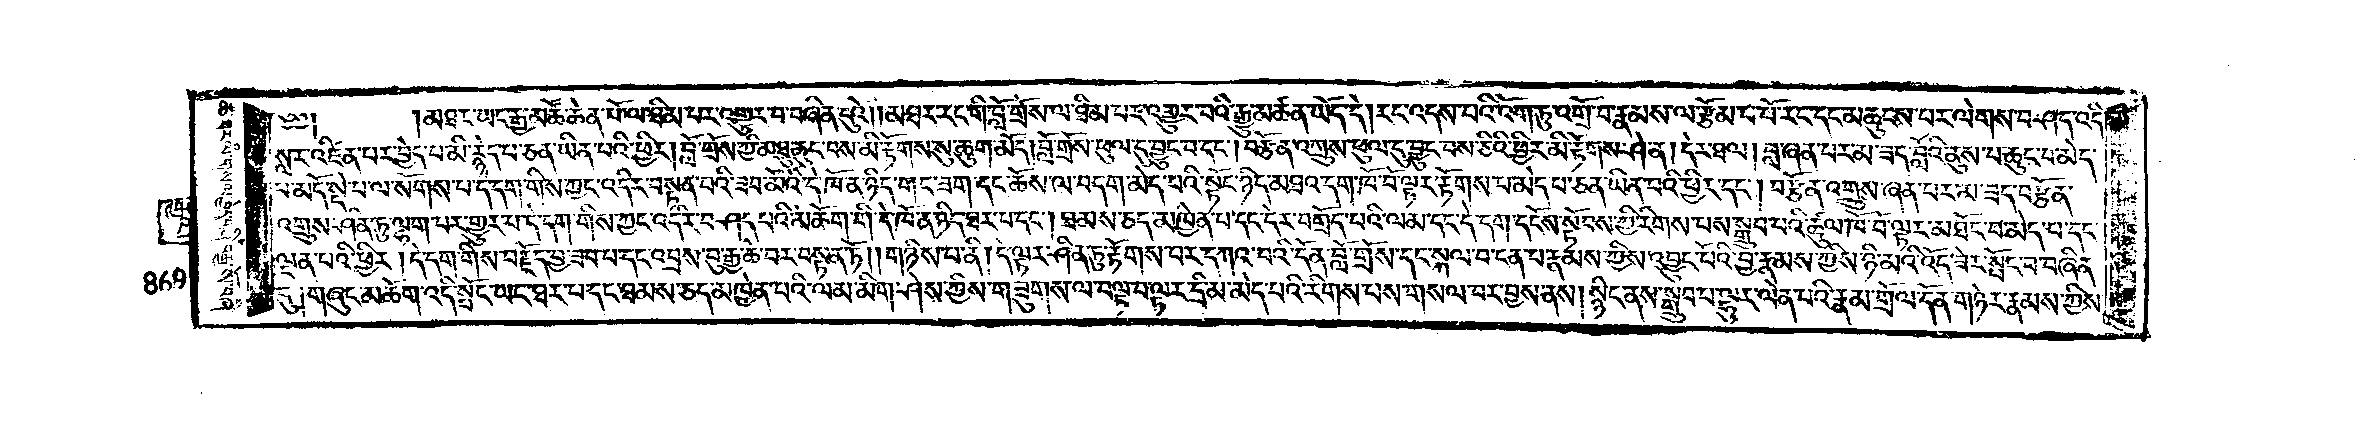༄༅། །མཐར་ཡང་རྒྱ་མཚོ་ཆེན་པོ་ལ་ཐིམ་པར་འགྱུར་བ་བཞིན་དུའོ། །མཐར་རང་གི་བློ་གྲོས་ལ་ཐིམ་པར་འགྱུར་བའི་རྒྱུ་མཚན་ཡོད་དེ། རང་འདས་པའི་འོག་ཏུ་འགྲོ་བ་རྣམས་ལ་རྩོམ་པ་པོ་རང་དང་མཚུངས་པར་ལེགས་བཤད་འདི་
སུང་?་འཛིན་པར་བྱེད་པ་མི་རྙེད་པ་ཅན་ཡིན་པའི་ཕྱིར། བློ་གྲོས་ཀྱི་མཐུ་ཆུང་བས་མི་རྟོགས་སུ་ཆུག་མོད། བློ་གྲོས་ཕུལ་དུ་བྱུང་བ་དང་། བརྩོན་འགྲུས་ཕུལ་དུ་བྱུང་བས་ཅིའི་ཕྱིར་མི་རྟོགས་ཤེ་ན། དེར་ཐལ། བླ་ཞན་པར་མ་ཟད་བློའི་ནུས་པ་ཆུང་བ་མེད་
པ་མདོ་སྡེ་པ་ལ་སོགས་པ་དེ་དག་གིས་ཀྱང་འདིར་བསྟན་པའི་ཟབ་མོའི་དེ་ཁོ་ན་ཉིད་གང་ཟག་དང་ཆོས་ལ་བདག་མེད་པའི་སྟོང་ཉིད་མཐའ་དག་ཁོ་བོ་ལྟར་རྟོགས་པ་མེད་པ་ཅན་ཡིན་པའི་ཕྱིར་དང་།བརྩོན་འགྲུས་ཞན་པར་མ་ཟད་བརྩོན་
འགྲུས་ཤིན་ཏུ་ལྷག་པར་གྱུར་པ་དེ་དག་གིས་ཀྱང་འདིར་བཤད་པའི་མཆོག་གི་དེ་ཁོ་ན་ཉིད་ཐར་པ་དང་། ཐམས་ཅད་མཁྱེན་པ་དང་དེར་བགྲོད་པའི་ལམ་དང་དེ་དག་དངོས་སྟོབས་ཀྱི་རིགས་པས་སྒྲུབ་པའི་ཚུལ་ཁོ་བོ་ལྟར་མཐོང་བ་མེད་པ་དང་
ལྡན་པའི་ཕྱིར། དེ་དག་གིས་བརྗོད་བྱ་ཟབ་པ་དང་འབྲས་བུ་རྒྱ་ཆེ་བར་བསྟན་ཏོ། །གཉིས་པ་ནི། དེ་ལྟར་ཤིན་ཏུ་རྟོགས་པར་དཀའ་བའི་དོན་བློ་གྲོས་དང་སྐལ་བ་ངན་པ་རྣམས་ཀྱིས་འབྱུང་པོའི་བྱ་རྣམས་ཀྱིས་ཉི་མའི་འོད་ཟེར་སྤོང་བ་བཞིན་
དུ། གཞུང་མཆོག་འདི་སྤོང་ཡང་ཐར་པ་དང་ཐམས་ཅད་མཁྱེན་པའི་ལམ་མིག་ཤེས་ཀྱིས་གཟུགས་ལ་བལྟ་བ་ལྟར་དྲི་མ་མེད་པའི་རིགས་པས་གསལ་བར་བྱས་ནས། སྙིང་ནས་སྒྲུབ་པ་ལྷུར་ལེན་པའི་རྣམ་གྲོལ་དོན་གཉེར་རྣམས་ཀྱིས་